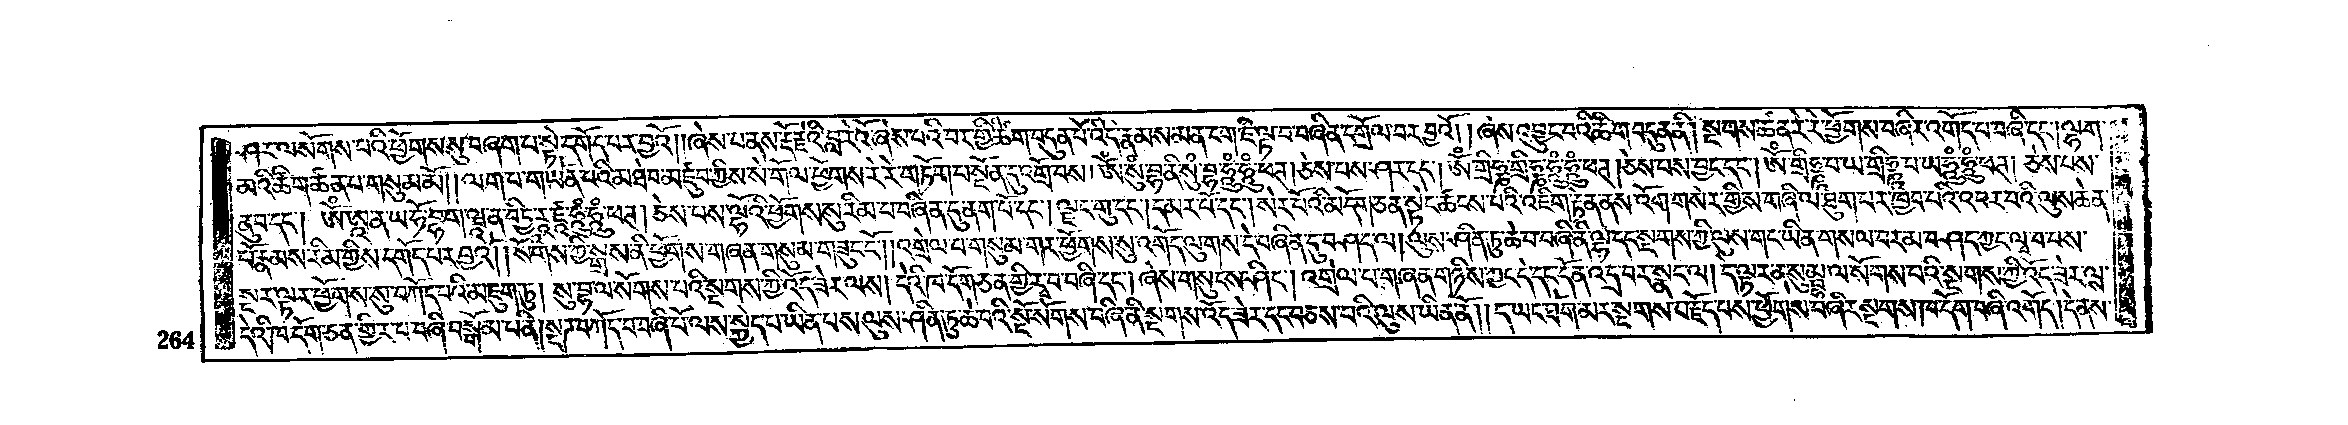ཤར་ལ་སོགས་པའི་ཕྱོགས་སུ་བཞག་པ་སྟེ་དགོད་པར་བྱའོ། །ཞེས་པ་ནས་རྡོ་རྗེའི་བླ་རེའོ་ཞེས་པའི་བར་གྱི་ཚིག་བདུན་པོ་འདི་རྣམས་མན་ངག་ཇི་ལྟ་བ་བཞིན་དགྲོལ་བར་བྱའོ། །ཞེས་འབྱུང་བའི་ཚིག་བདུན་ནི། སྔགས་ཚ་ན་རེ་རེ་ཕྱོགས་བཞིར་འགོད་པ་བཞི་དང་། ལྷག་
མའི་ཚིག་ཚན་པ་གསུམ་མོ། །ལག་པ་གཡོན་པའི་མཐེབ་མཛུབ་ཀྱིས་སེ་གོལ་ཕྱོགས་རེ་རེ་གཏོག་པ་སྔོན་དུ་འགྲོ་བས། ཨོཾ་སུཾ་བྷ་ནི་སུཾ་བྷ་ཧཱུཾ་ཧཱུཾ་ཕགས། ཅེས་པས་ཤར་དང་། ཨོཾ་གྲིཧྞ་གྲིཧྞ་ཧཱུཾ་ཧཱུཾ་ཕཊ། ཅེས་པས་བྱང་དང་། ཨོཾ་གྲིཧྞཱ་བ་ཡ་གྲིཧྞཱ་པ་ཡ་ཧཱུཾ་ཧཱུཾ་ཕཊ། ཅེས་པས་
ནུབ་དང་། ཨོཾ་ཨཱ་ན་ཡ་ཧོ་བྷ་ག་ཝཱན་བིདྱཱ་རཱ་ཛཱ་ཧཱུཾ་ཧཱུཾ་ཕཊ། ཅེས་པས་ལྷོའི་ཕྱོགས་སུ་རིམ་པ་བཞིན་དུ་ནག་པོ་དང་། ལྗང་གུ་དང་། དམར་པོ་དང་། སེར་པོའི་མདོག་ཅན་སྟེང་ཚངས་པའི་འཇིག་རྟེན་ནས་འོག་གསེར་གྱིས་གཞི་ལ་ཐུག་པར་ཁྱབ་པའི་འབར་བའི་ལུས་ཆེན་
པོ་རྣམས་རིམ་གྱིས་དགོད་པར་བྱའོ། །སོགས་ཀྱི་སྒྲས་ནི་ཕྱོགས་གཞན་གསུམ་གཟུང་ངོ། །འགྲེལ་པ་གསུམ་གར་ཕྱོགས་སུ་འགོད་ལུགས་དེ་བཞིན་དུ་བཤད་ལ། ལུས་ཤིན་ཏུ་ཆེ་བ་བཞི་ནི་ལྷ་དང་སྔགས་ཀྱི་ལུས་གང་ཡིན་གསལ་བར་མ་བཤད་ཀྱང་ལྭ་བ་པས་
སྔར་ལྟར་ཕྱོགས་སུ་བཀོད་པའི་མཇུག་ཏུ། སུཾ་བྷ་ལ་སོགས་པའི་སྔགས་ཀྱི་འོད་ཟེར་ལས། དེའི་ཁ་དོག་ཅན་གྱི་རྭ་བ་བཞི་དང་། ཞེས་གསུངས་ཤིང་། འགྲེལ་པ་གཞན་གཉིས་ཀྱང་དེ་དང་དོན་འདྲ་བར་སྣང་ལ། དེ་ལྟར་ན་སུཾ་བྷ་ལ་སོགས་པའི་སྔགས་ཀྱི་འོད་ཟེར་ལས་
དེའི་ཁ་དོག་ཅན་གྱི་ར་བ་བཞི་བསྒོམ་པ་ནི། སྔགས་བཀོད་པ་བཞི་པོ་ལས་སྐྱེད་པ་ཡིན་པས་ལུས་ཤིན་ཏུ་ཆེ་བའི་སྔོ་སོགས་བཞི་ནི་སྔགས་འོད་ཟེར་དང་བཅས་པའི་ལུས་ཡིན་ནོ། །དེ་ཡང་ཐོག་མར་སྔགས་བརྗོད་པས་ཕྱོགས་བཞིར་སྔགས་ཁ་དོག་བཞི་འགོད། དེ་ནས་